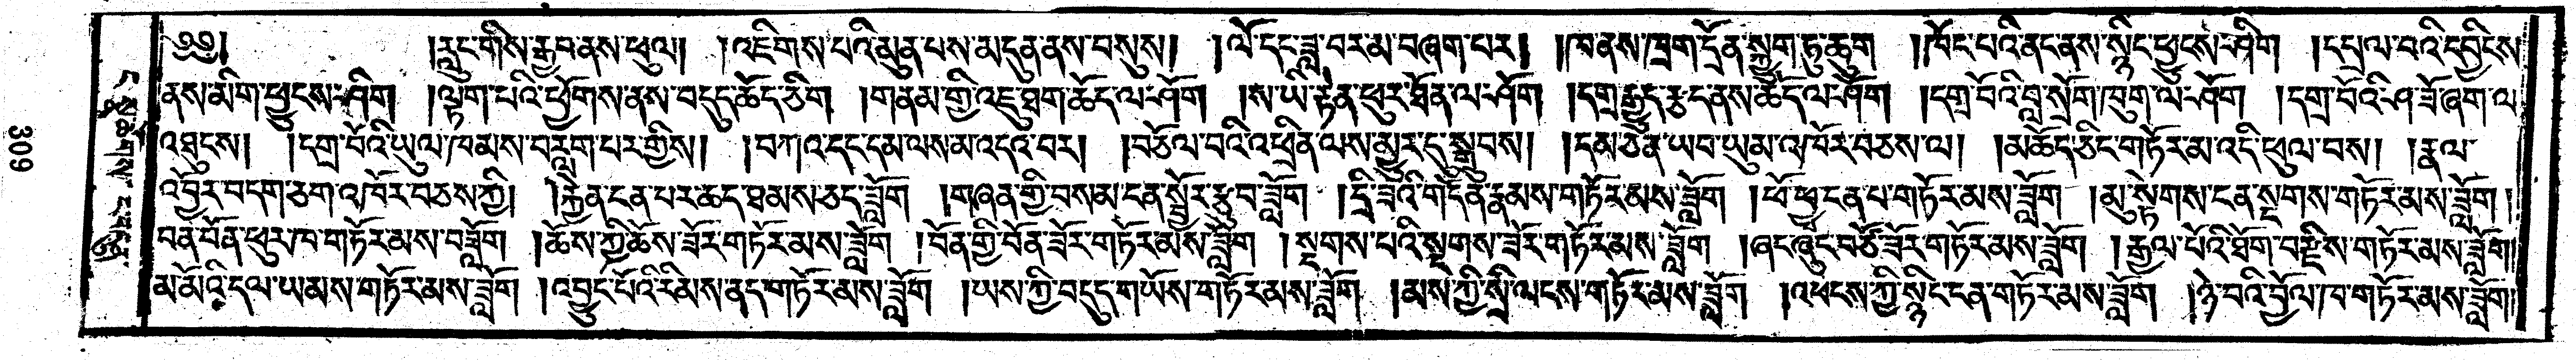༄༅། །རླུང་གིས་རྒྱབ་ནས་ཕུལ། །འཇིགས་པའི་མུན་པས་མདུན་ནས་བསུས། །ལོ་དང་ཟླ་བར་མ་བཞག་པར། །ཁ་ནས་ཁྲག་དོན་སྐྱུག་ཏུ་ཆུག །ཁོང་པའི་ནང་ནས་སྙིང་ཕྱུགས་ཤིག །དཔྲལ་བའི་དབྱིངས་
ནས་མིག་ཕྱུངས་ཤིག །ལྟག་པའི་ཕྱོགས་ནས་བདུད་ཆོད་ཅིག །གནམ་གྱི་འཇུ་ཐག་ཆོད་ལ་ཤོག །ས་ཡི་རྟེན་ཕུར་ཐོན་ལ་ཤོག །དགྲ་རྒྱུད་རྩད་ནས་ཆོད་ལ་ཤོག །དགྲ་བོའི་བླ་སྲོག་ཁུག་ལ་ཤོག །དགྲ་བོའི་ཤ་ཟོ་ཞག་ལ་
འཐུངས། །དགྲ་བོའི་ཡུལ་ཁམས་བརླག་པར་གྱིས། །བཀའ་དང་དམ་ལས་མ་འདའ་བར། །བཅོལ་བའི་འཕྲིན་ལས་མྱུར་དུ་སྒྲུབས། །དམ་ཅན་ཡབ་ཡུམ་འཁོར་བཅས་ལ། །མཆོད་ཅིང་གཏོར་མ་འདི་ཕུལ་བས། །རྣལ་
འབྱོར་བདག་ཅག་འཁོར་བཅས་ཀྱི། །རྐྱེན་ངན་པར་ཆད་ཐམས་ཅད་ཟློག །གཞན་གྱི་བསམ་ངན་སྦྱོར་རྩུབ་ཟློག །དྲི་ཟའི་གདོན་རྣམས་གཏོར་མས་ཟློག །ཕོ་ཕྱྭ་ངན་པ་གཏོར་མས་ཟློག །མུ་སྟེགས་ངན་སྔགས་གཏོར་མས་ཟློག།
བན་བོན་ཕུར་ཁ་གཏོར་མས་བཟློག །ཆོས་ཀྱི་ཆོས་ཟོར་གཏོར་མས་ཟློག །བོན་གྱི་བོན་ཟོར་གཏོར་མས་ཟློག །སྔགས་པའི་སྔགས་ཟོར་གཏོར་མས་ཟློག །ཞང་ཞུང་བཙོ་ཟོར་གཏོར་མས་ཟློག །རྒྱལ་པོའི་ཐོག་བརྫིས་གཏོར་མས་ཟློག།
མ་མོའི་དལ་ཡམས་གཏོར་མས་ཟློག །འབྱུང་པོའི་རིམས་ནད་གཏོར་མས་ཟློག །ཡས་ཀྱི་བདུད་གཡོས་གཏོར་མས་ཟློག །མས་ཀྱི་སྲི་ལངས་གཏོར་མས་ཟློག །འཕངས་ཀྱི་སྙིང་ངན་གཏོར་མས་ཟློག །ཉེ་བའི་བྱོལ་ཁ་གཏོར་མས་ཟློག།